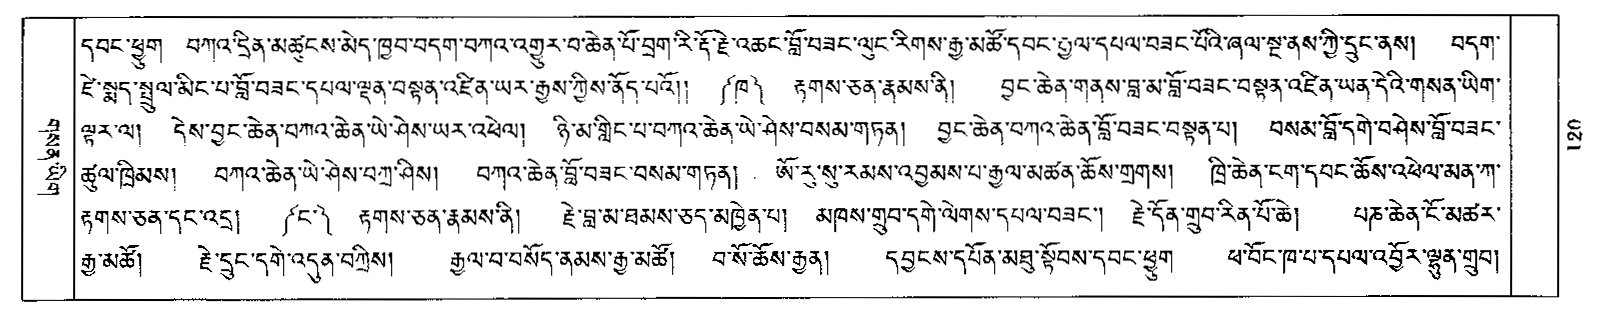དབང་ཕྱུག་བཀའ་དྲིན་མཚུངས་མེད་ཁྱབ་བདག་བཀའ་འགྱུར་བ་ཆེན་པོ་བྲག་རི་རྡོ་རྗེ་འཆང་བློ་བཟང་ལུང་རིགས་རྒྱ་མཚོ་དབང་རྒྱལ་དཔལ་བཟང་པོའི་ཞལ་སྔ་ནས་ཀྱི་དྲུང་ནས། བདག་
ཛེ་སྨད་སྤྲུལ་མིང་པ་བློ་བཟང་དཔལ་ལྡན་བསྟན་འཛིན་ཡར་རྒྱས་ཀྱིས་ནོད་པའོ།། ཁ྄་རྟགས་ཅན་རྣམས་ནི། བྱང་ཆེན་གནས་བླ་མ་བློ་བཟང་བསྟན་འཛིན་ཡན་དེའི་གསན་ཡིག་
ལྟར་ལ། དེས་བྱང་ཆེན་བཀའ་ཆེན་ཡེ་ཤེས་ཡར་འཕེལ། ཉི་མ་གླིང་པ་བཀའ་ཆེན་ཡེ་ཤེས་བསམ་གཏན། བྱང་ཆེན་བཀའ་ཆེན་བློ་བཟང་བསྟན་པ། བསམ་བློ་དགེ་བཤེས་བློ་བཟང་
ཚུལ་ཁྲིམས། བཀའ་ཆེན་ཡེ་ཤེས་བཀྲ་ཤིས། བཀའ་ཆེན་བློ་བཟང་བསམ་གཏན། ཨོ་རུ་སུ་རམས་འབྱམས་པ་རྒྱལ་མཚན་ཆོས་གྲགས། ཁྲི་ཆེན་ངག་དབང་ཆོས་འཕེལ་མན་ཀ་
རྟགས་ཅན་དང་འདྲ། ང྄་རྟགས་ཅན་རྣམས་ནི། རྗེ་བླ་མ་ཐམས་ཅད་མཁྱེན་པ། མཁས་གྲུབ་དགེ་ལེགས་དཔལ་བཟང་། རྗེ་དོན་གྲུབ་རིན་པོ་ཆེ། པཎ་ཆེན་ངོ་མཚར་
རྒྱ་མཚོ། རྗེ་དྲུང་དགེ་འདུན་བཀྲིས། རྒྱལ་བ་བསོད་ནམས་རྒྱ་མཚོ། བ་སོ་ཆོས་རྒྱན། དབྱངས་དཔོན་མཐུ་སྟོབས་དབང་ཕྱུག་ཕ་བོང་ཁ་པ་དཔལ་འབྱོར་ལྷུན་གྲུབ།